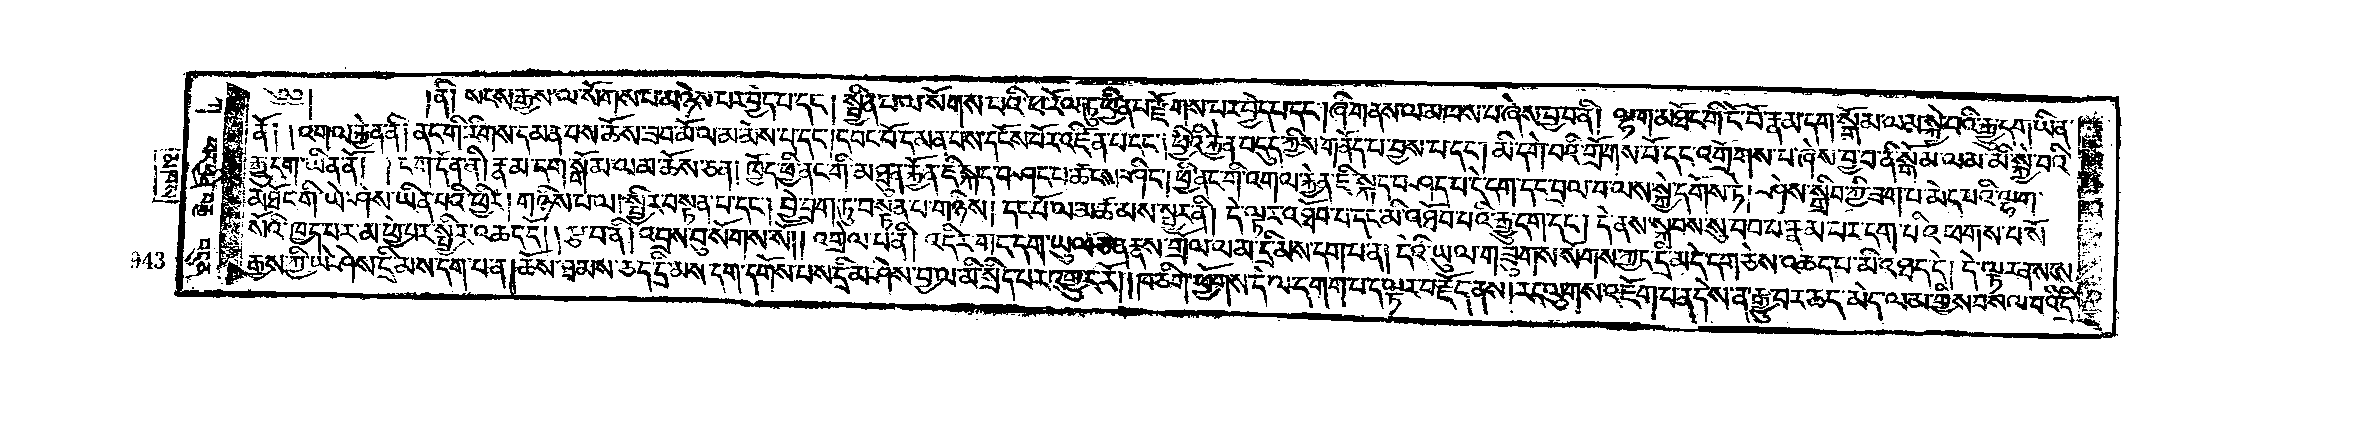༄༅། །ནི། སངས་རྒྱས་ལ་སོགས་པ་མཉེས་པར་བྱེད་པ་དང་། སྦྱིན་པ་ལ་སོགས་པའི་ཕ་རོལ་ཏུ་ཕྱིན་པ་རྫོགས་པར་བྱེད་པ་དང་། ཞི་གནས་ལ་མཁས་པ་ཞེས་བྱ་བ་ནི། ལྷག་མཐོང་གི་ངོ་བོ་རྣམ་དག་སྒོམ་ལམ་སྐྱེ་བའི་རྒྱུ་དག་ཡིན་
ནོ། །འགལ་རྐྱེན་ནི། ནང་གི་རིགས་དམན་པས་ཆོས་ཟབ་མོ་ལ་མ་མོས་པ་དང་། དབང་པོ་དམན་པས་དངོས་པོར་འཛིན་པ་དང་། ཕྱིའི་རྐྱེན་བདུད་ཀྱིས་གནོད་པ་བྱས་པ་དང་། མི་དགེ་བའི་གྲོགས་པོ་དང་འགྲོགས་པ་ཞེས་བྱ་བ་ནི་སྒོམ་ལམ་མི་སྐྱེ་བའི་
རྒྱུ་དག་ཡིན་ནོ། །ངག་དོན་ནི། རྣམ་དག་སྒོམ་ལམ་ཆོས་ཅན། ཁྱོད་ཕྱི་ནང་གི་མཐུན་རྐྱོན་ཇི་སྐད་བཤད་པ་ཚངས་ཤིང་། ཕྱི་ནང་གི་འགལ་རྐྱེན་ཇི་སྐད་བཤད་པ་དེ་དག་དང་བྲལ་པ་ལས་སྐྱེ་དགོས་ཏེ། ཤེས་སྒྲིབ་ཀྱི་ཟག་པ་མེད་པའི་ལྷག་
མཐོང་གི་ཡེ་ཤེས་ཡིན་པའི་ཕྱིར། གཉིས་པ་ལ། སྤྱིར་བསྟན་པ་དང་། བྱེ་བྲག་ཏུ་བསྟན་པ་གཉིས། དང་པོ་ལ་མཚམས་སྦྱར་ནི། དེ་ལྟར་འཐོབ་པ་དང་མི་འཐོབ་པའི་རྒྱུ་དག་དང་། དེ་ནས་སྐབས་སུ་བབ་པ་རྣམ་པར་དག་པའི་འཕགས་པ་སོ་
སོའི་ཁྱད་པར་མ་ཕྱེ་པར་སྤྱིར་འཆད་དོ། །རྩ་བ་ནི། འབྲས་བུ་སོགས་སོ། །འགྲེལ་པ་ནི། འདིར་གང་དག་ཡུལ་ཅན་རྣམ་གྲོལ་ལམ་དྲི་མས་དག་པ་ན། དེའི་ཡུལ་གཟུགས་སོགས་ཀྱང་དྲི་མ་དེ་དག་ཅེས་འཆད་པ་མི་འཐད་དེ། དེ་ལྟར་ན་སངས་
རྒྱས་ཀྱི་ཡེ་ཤེས་དྲི་མས་དག་པ་ན། ཆོས་ཐམས་ཅད་དྲི་མས་དག་དགོས་པས་དྲི་མ་ཤེས་བྱ་ལ་མི་སྲིད་པར་འགྱུར་རོ། །ཁ་ཅིག་ཕྱོགས་དེ་ལ་དགག་པ་ད་ལྟར་བརྗོད་ནས། རང་ལུགས་འཇོག་པ་ན་དེས་ན་རྒྱུ་བར་ཆད་མེད་ལམ་གྱིས་བསལ་བའི་དྲི་